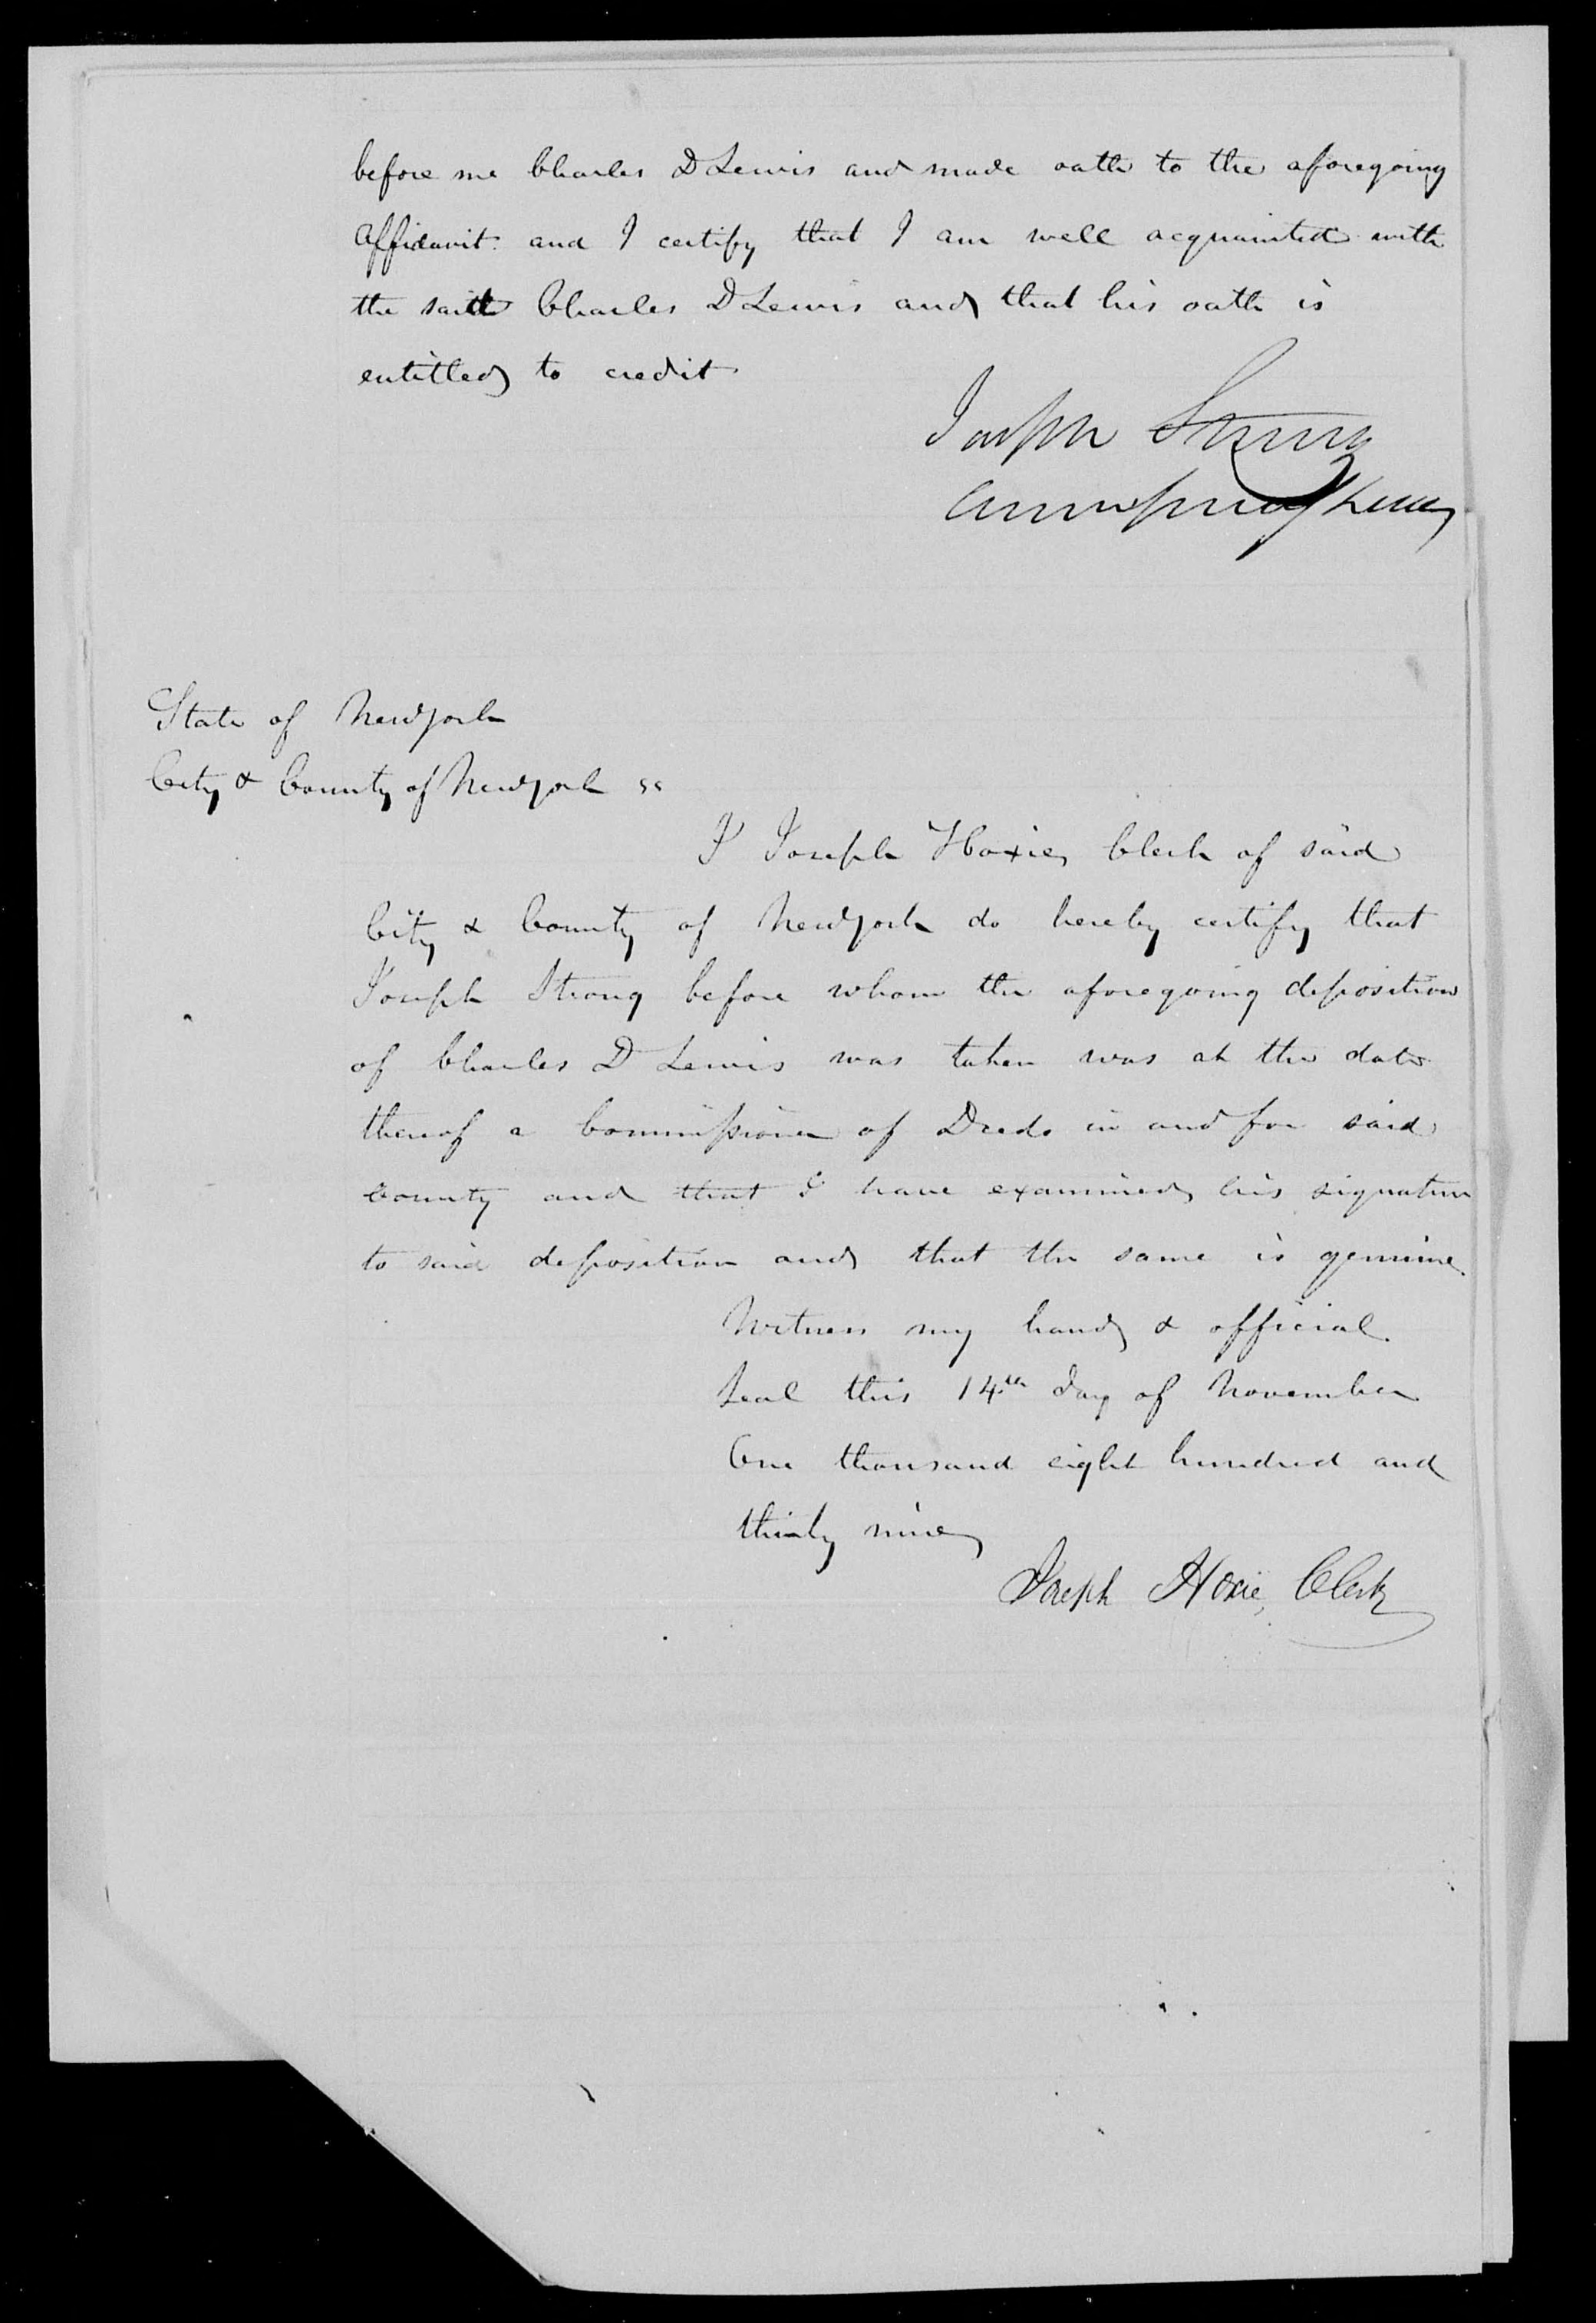before me Charles D Lewis and made oath to the aforegoing
affidavit and I certify that I am well acquainted with
the saith Charles D Lewis and that his oath is
entitled to credit
Joseph Strong


State of New York City
& County of Newyork SS
I Joseph Hoxie, clerk or said
City & County of New York do hereby certify that
Joseph Strong before whom the aforegoing deposition
of Charles D Lewis was taken was at the date
thereof a Commissioner of Deeds in and for said
County and that I have examined his signature
to said deposition and that the same is genuine
Witness my hand & official
Seal this 14th day of November
One thousand eight hundred and thirty nine
Joseph Hoxie, Clerk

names: Charles D Lewis; Joseph Strong; Joseph Hoxie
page: 57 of 75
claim: survivor's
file: S. 9989, for William Popham, Delaware